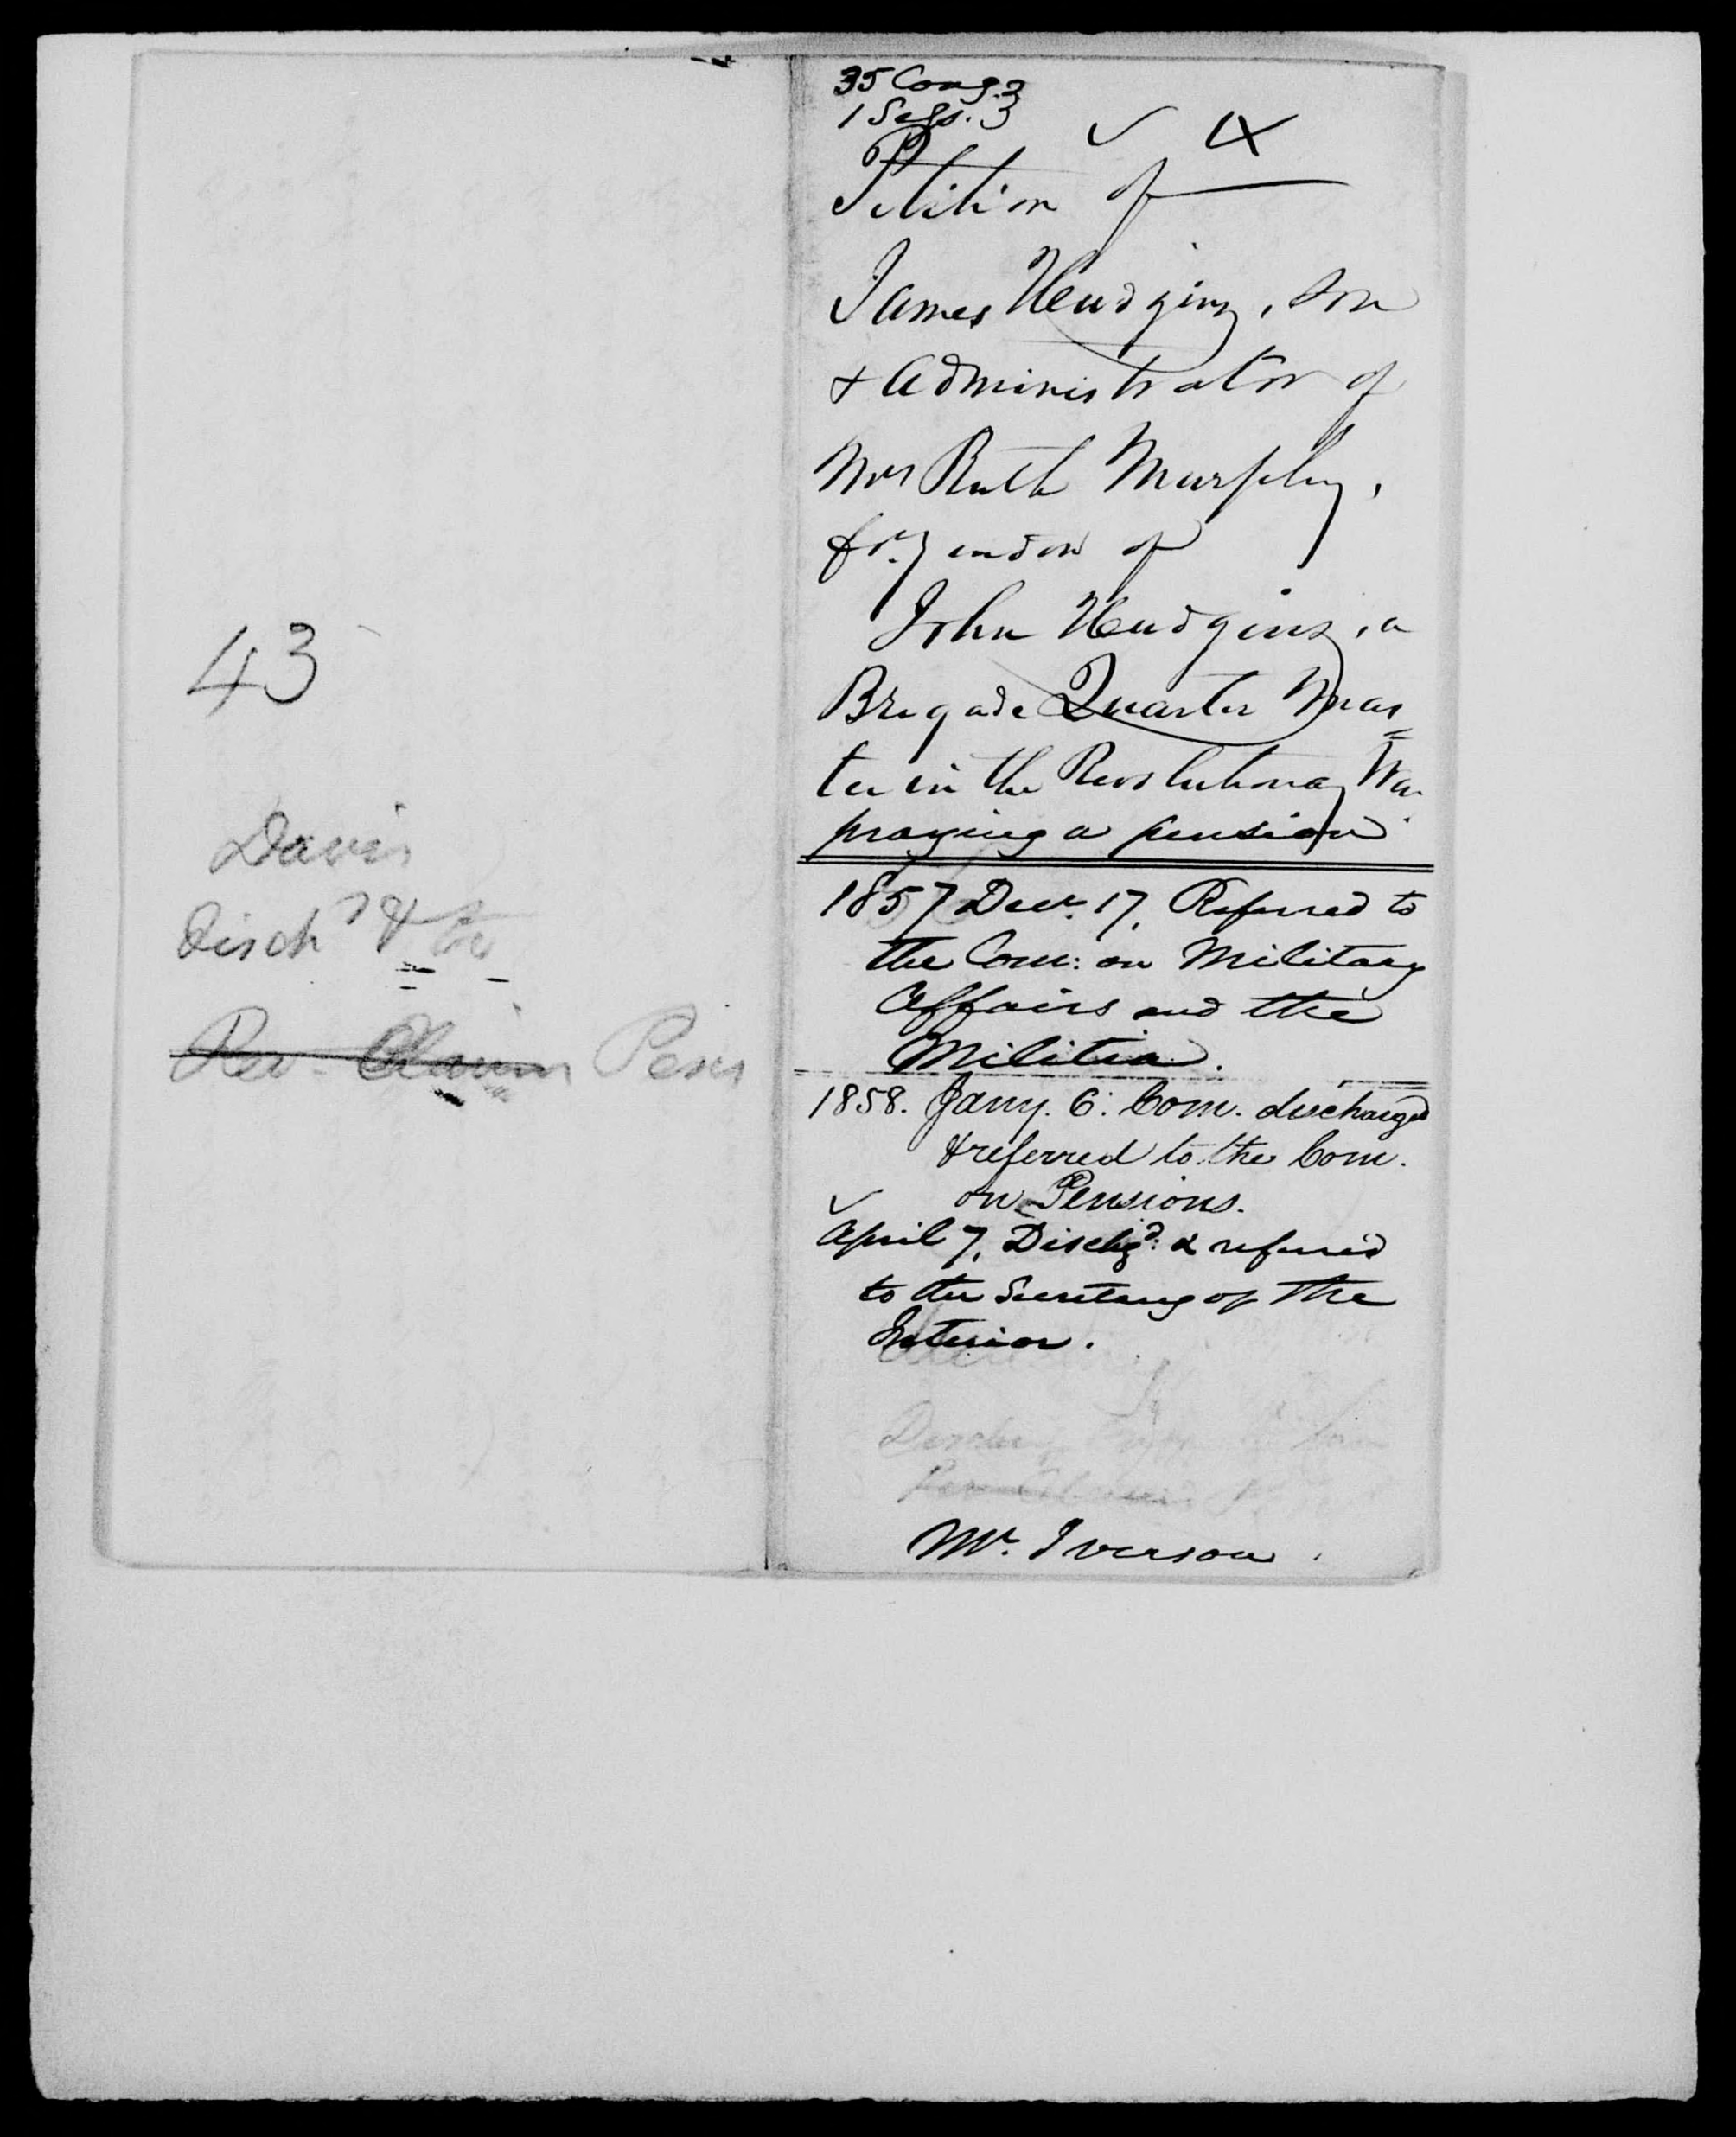*This is a two sided (left and right) looks like a writing journal - the left side states as follows:

43
Davis
Mischief & th underlined twice
Rec Claim Pens first two words lined through

The right side states as follows:

35 Cong
1 Sals 3.  Check mark roman numeral or X
Petition of
James Hudgins, I am & administrating Mrs Ruth Murphy form widow of
John Hudgins, a Brigade Quarter Master in the Revolutionary War praying a pension (heavily underlined)
1857 Dec 17 Referre3d to the Com on Military Affairs and the Militia (underlined)
1858 Jany 6 Com discharged referred to the Com on Pensions
Check mark
April 7 Dischged referred to the Secretary of the Interior
W. Iverson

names: Ruth Murphy, James Hudgins, John Hudgins, Iverson, Davis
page: 99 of 108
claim: rejected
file: R. 7,515, John Hudgins, N.C.